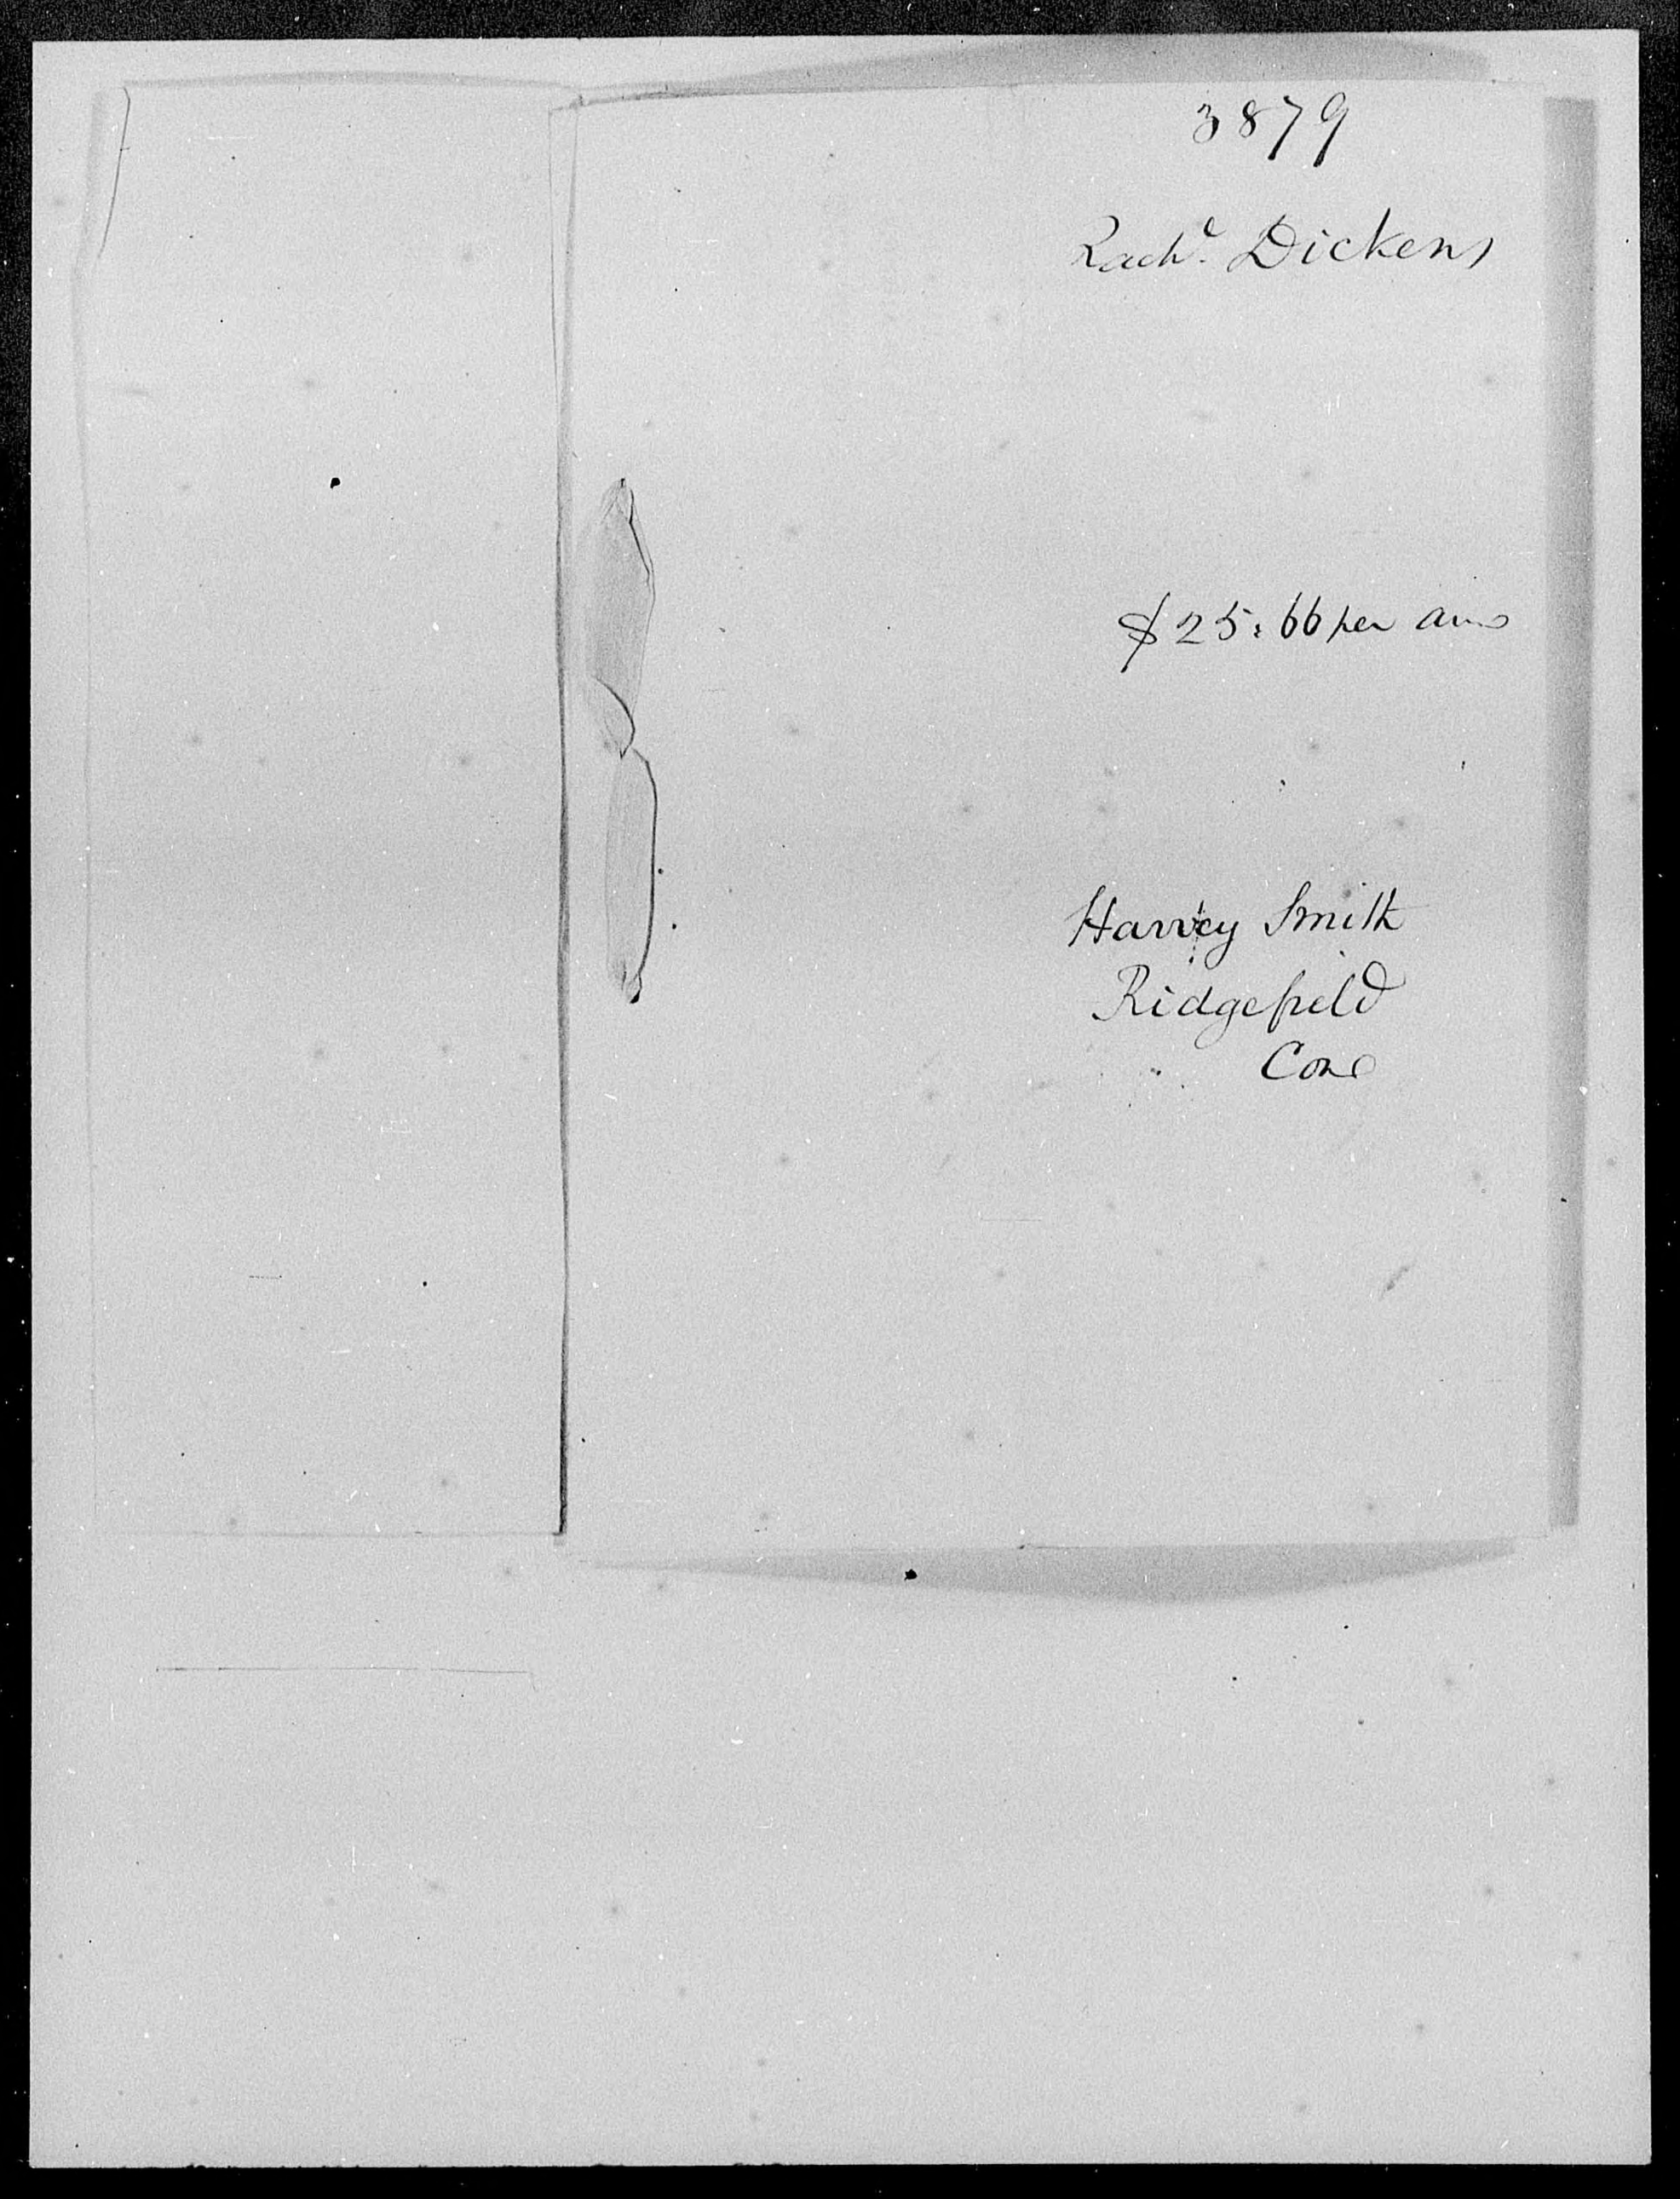3879
Rachl. Dickens


$25.66 per ann

Harvey Smith
Ridgefield
Con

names: Harvey Smith, Rachl Dickens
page: 16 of 29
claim: widow's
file: W. 17720, Arnold Dickens, New York